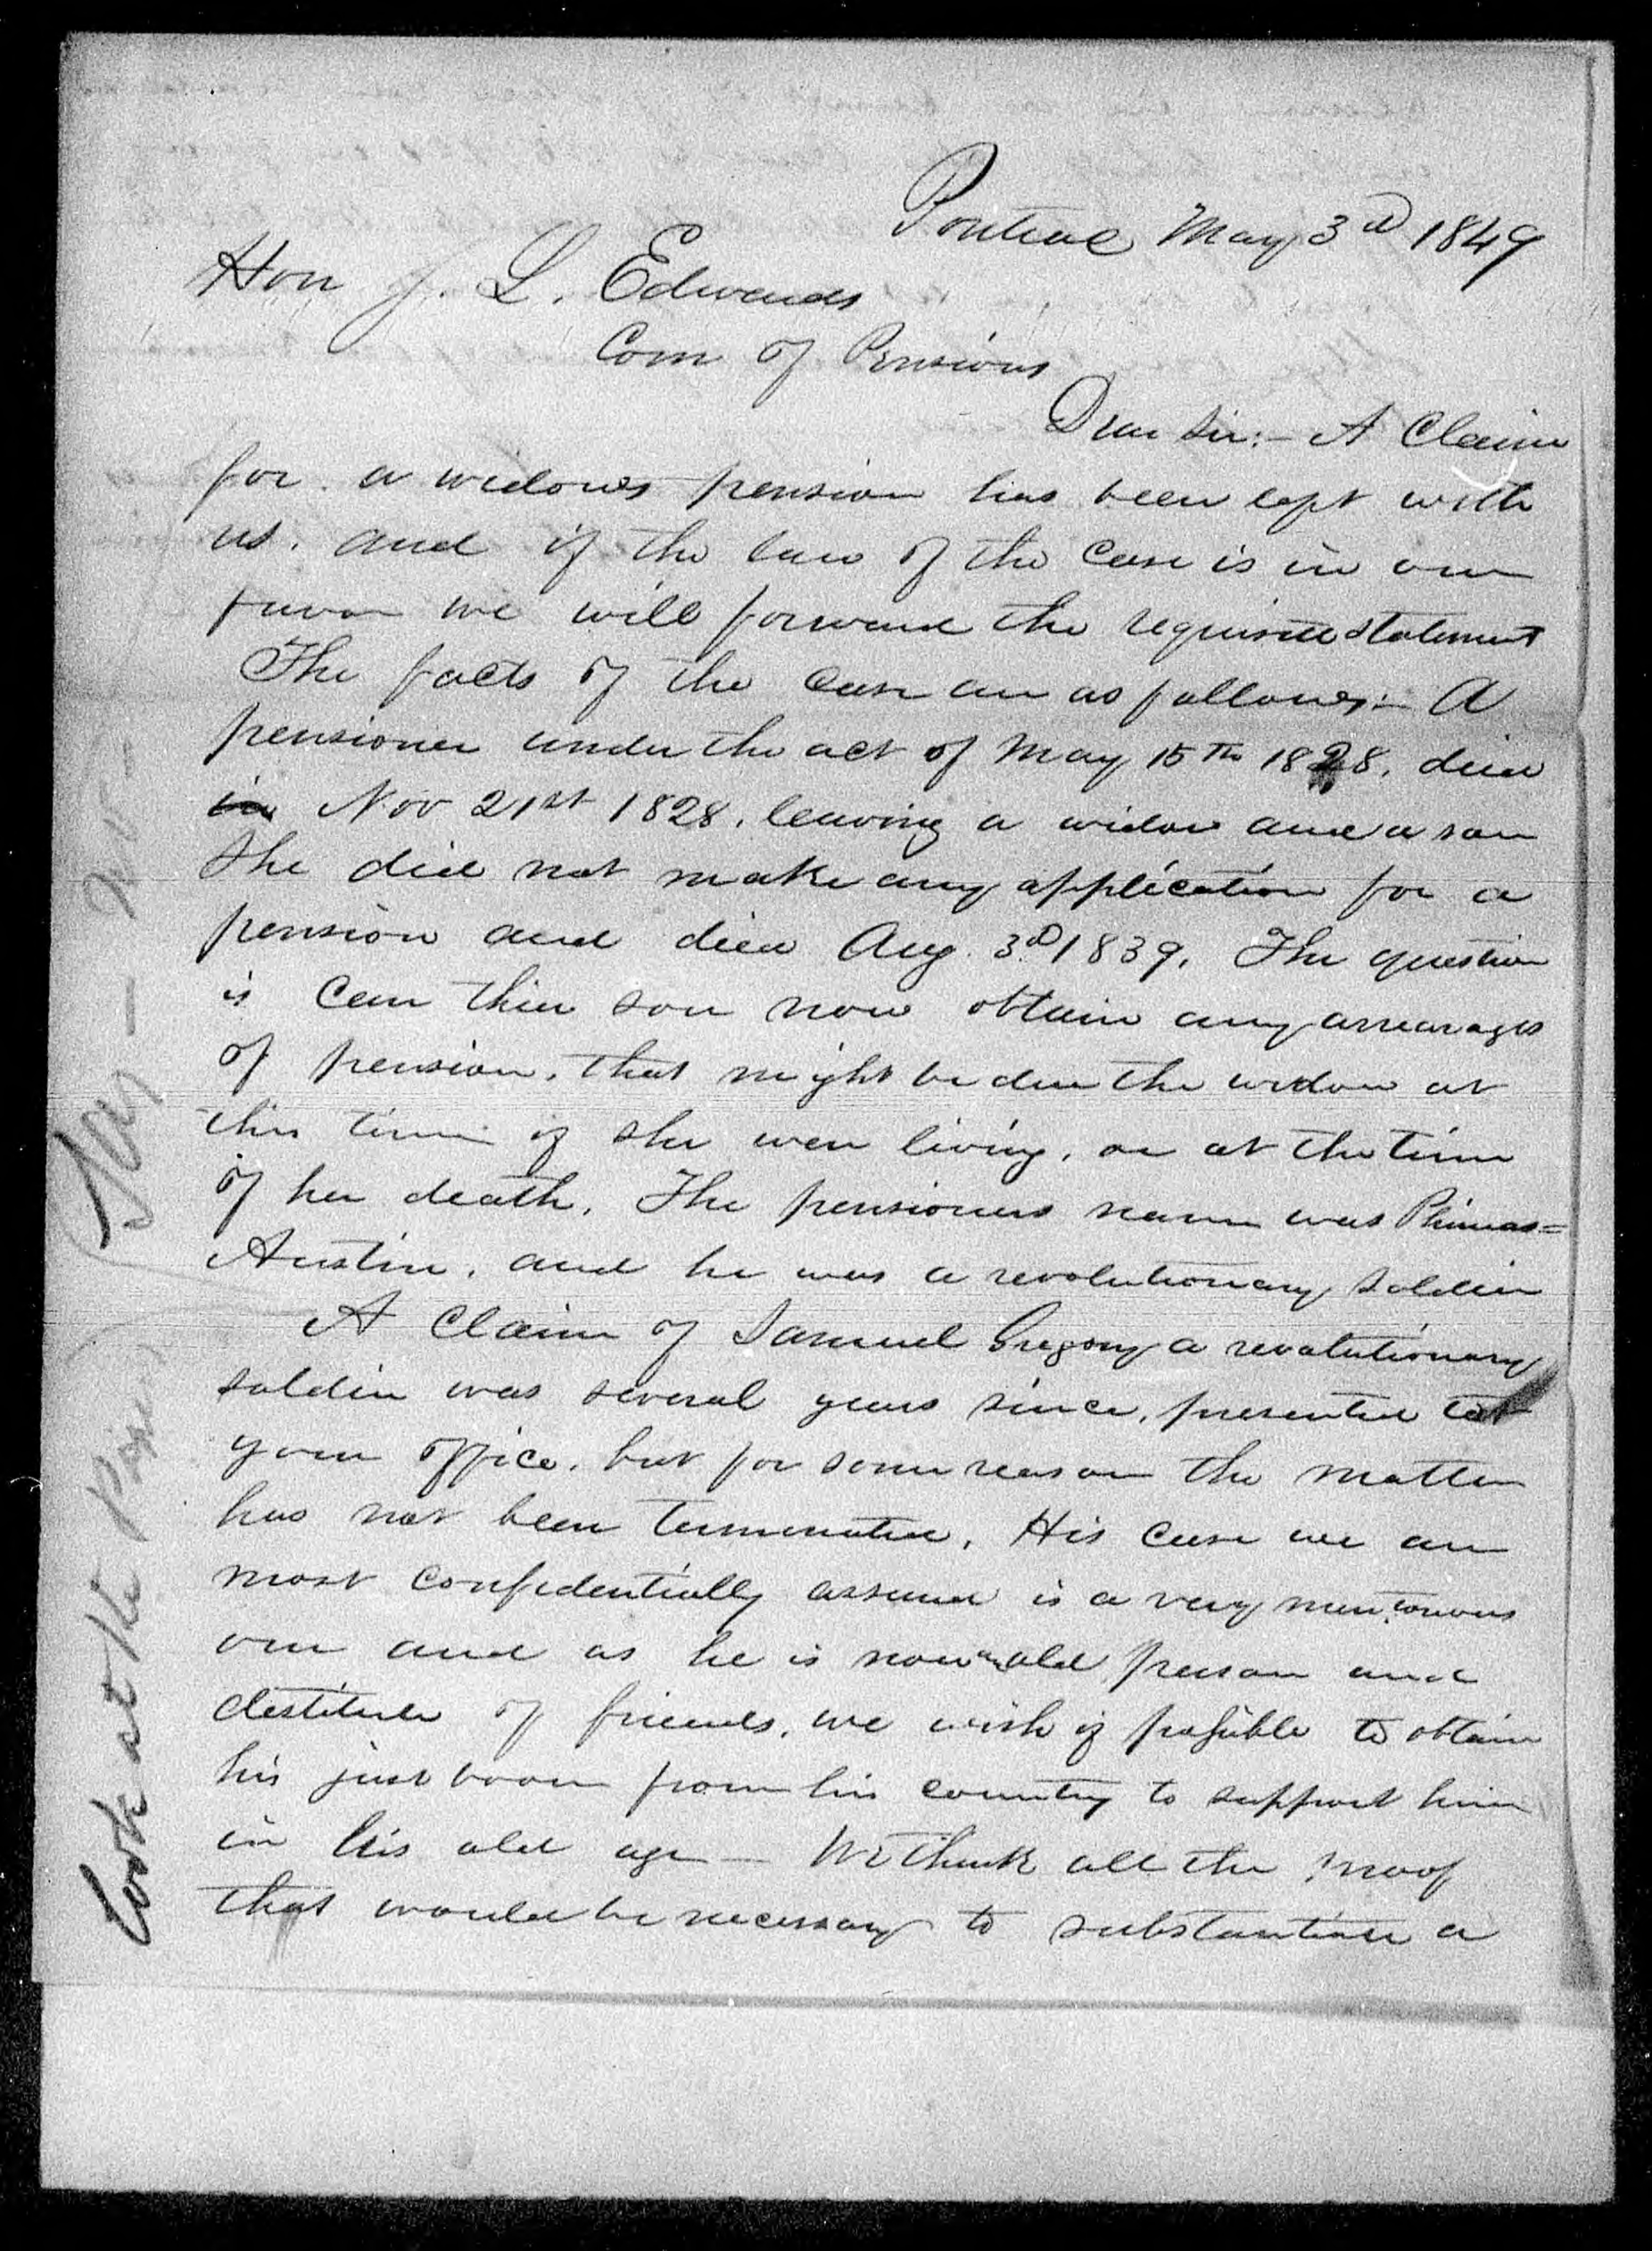Pontiac May 3rd 1849

Hon J.L.Edwards
Com of Pensions

Dear sir: A claim for a widow's pension has been left with us and if the law of the case is in our favor we will forward the requisite statement  The facts of the case are as follows  A pensioner under the Act of May 15th 1828, died Nov 21st 1828, leaving a widow and a son  She did not make any application for a pension and died Aug 3d 1839.  The question is can this son now obtain any arrearages of pension. That might be due the widow at this time of she wen living. or at the time of her death. The previous name was Phineas Austin. and he was a revolutionary soldier

A claim of Samuel Gregory a revolutionary soldier was several years since presented to your office. but for some reason the matter has not been terminated. His case we are most confidentially assured is a very meritorious and as he is now an old person and destitute of friends. We wish if possible to obtain his just [illegible] from his country to support him in his old age - We think all the proof that would be necessary to substantiate a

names: J L Edwards, Phineas Austin, Samuel Gregory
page: 57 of 66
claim: rejected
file: R. 4298, Samuel Gregory, New York